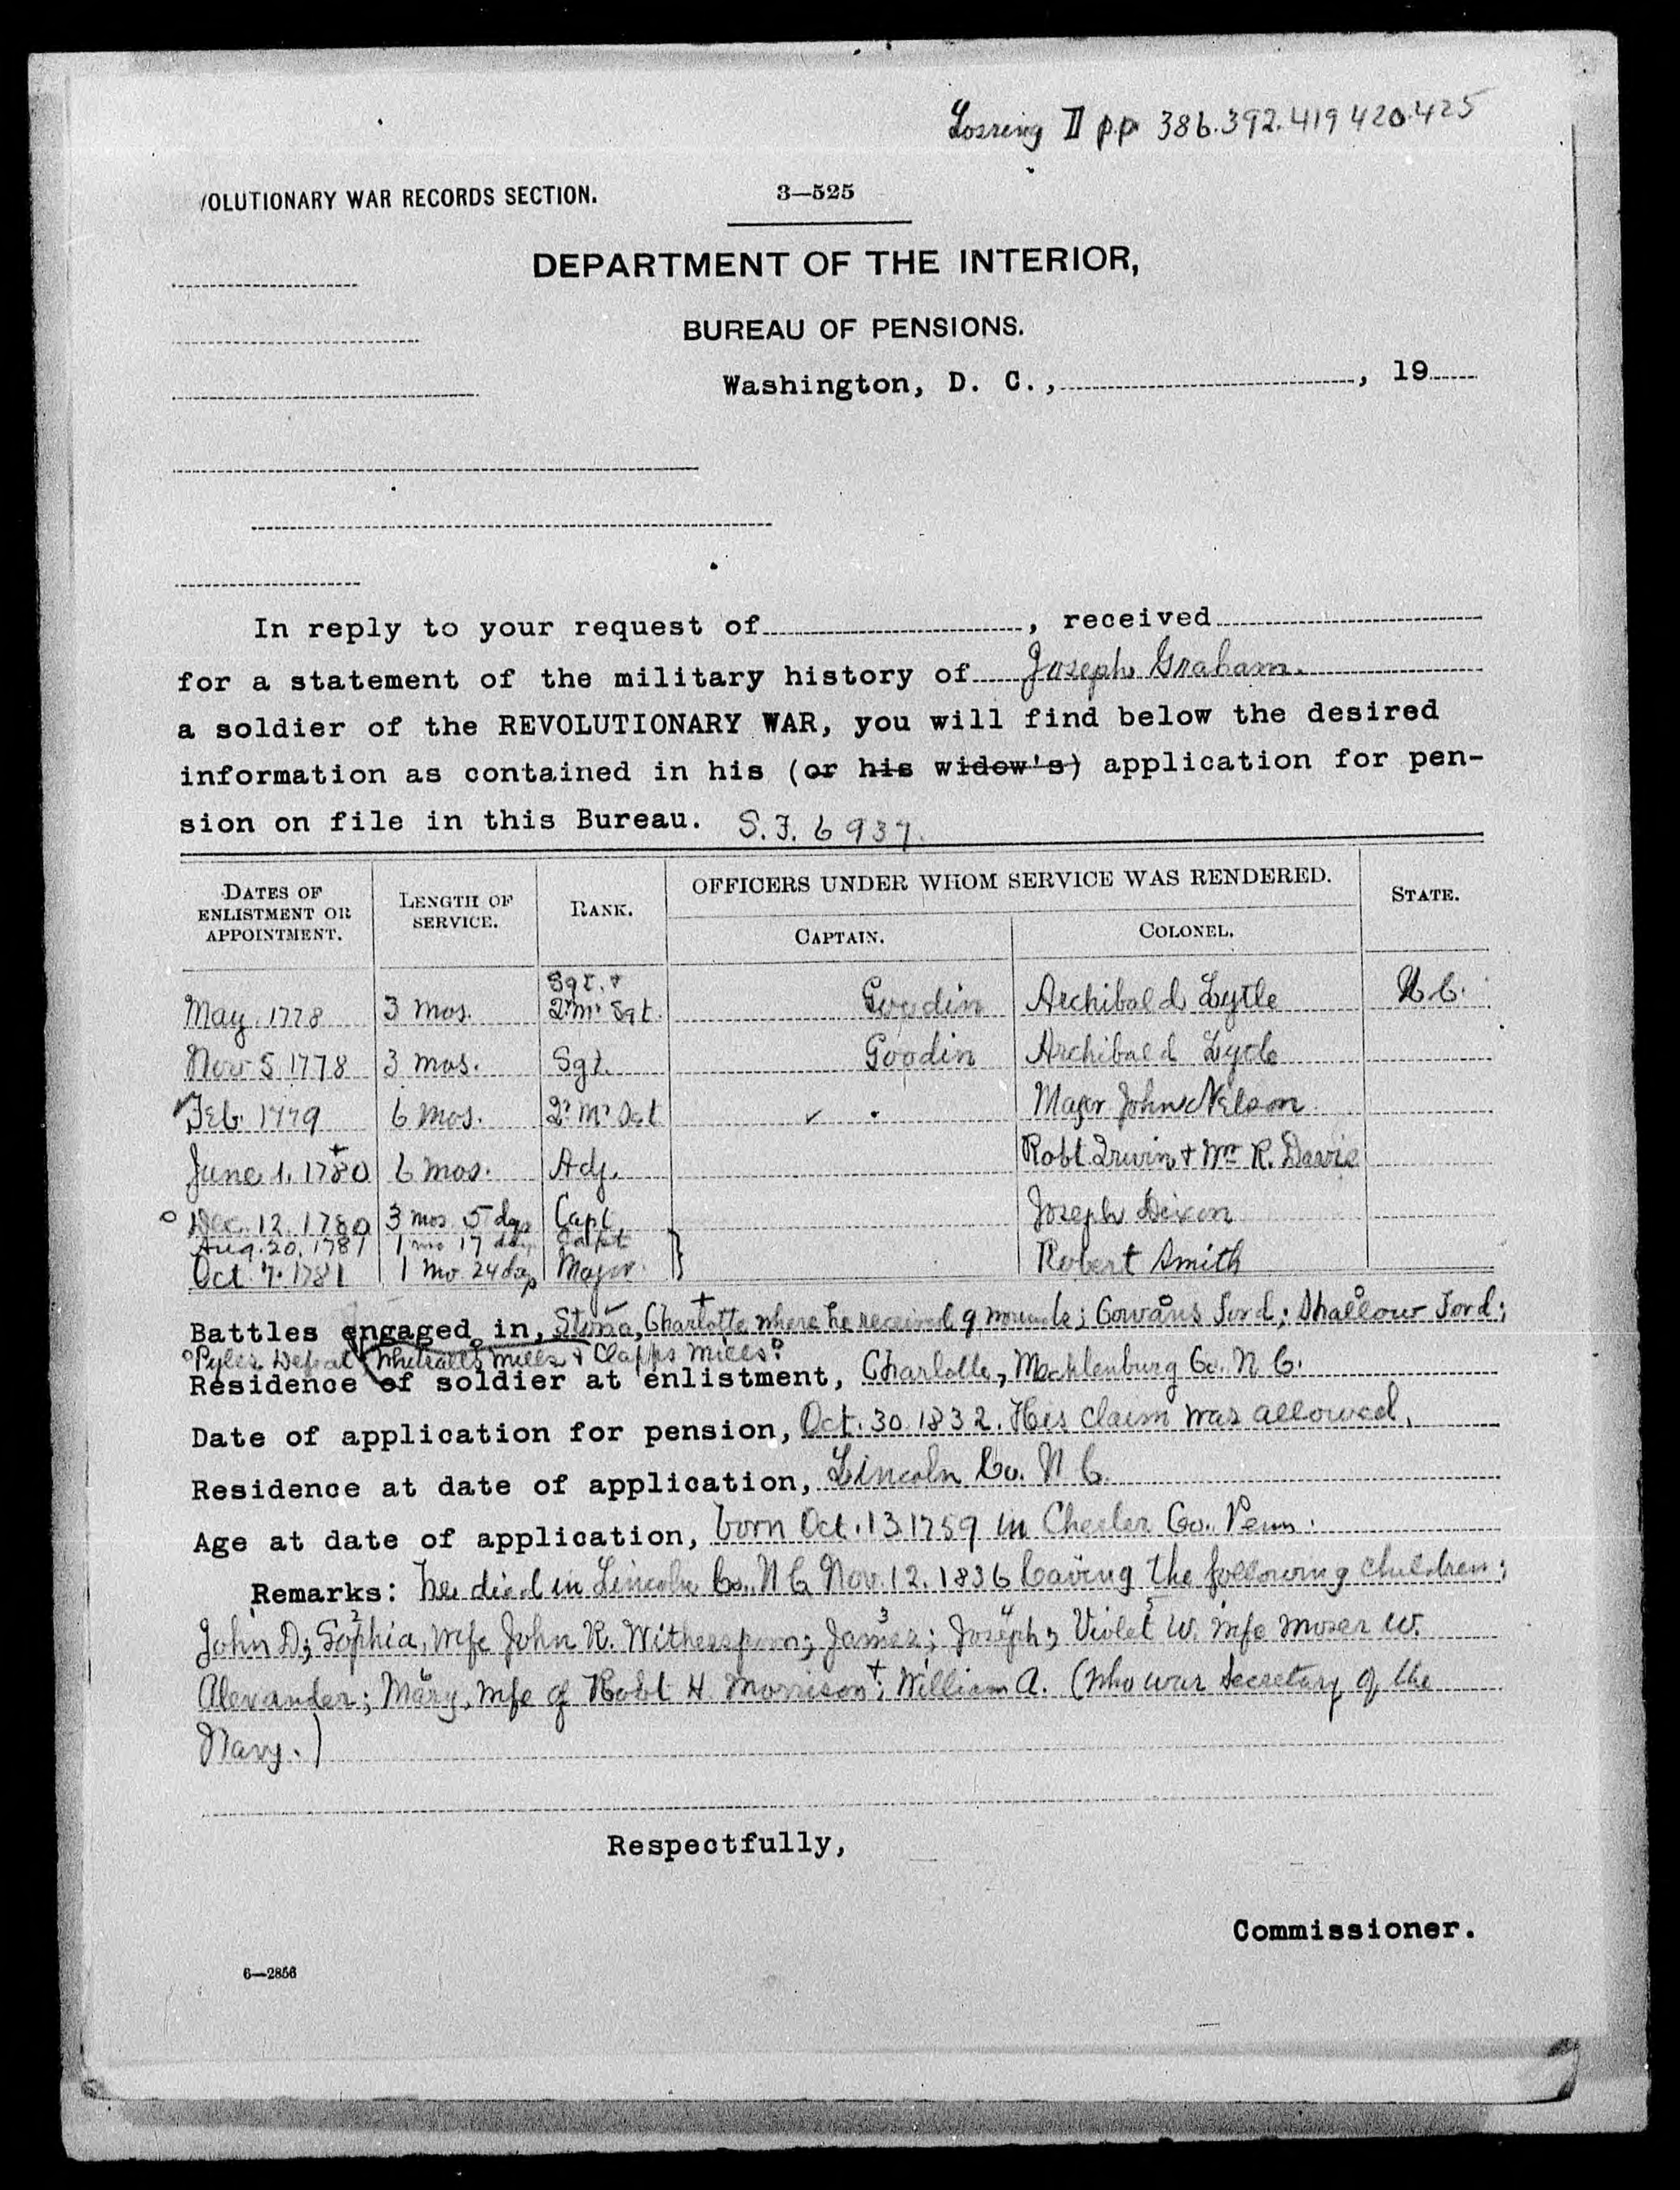Losring II p.p. 386.392.419420.425


REVOLUTIONARY WAR RECORDS SECTION.

 3-525
DEPARTMENT OF THE INTERIOR,
BUREAU OF PENSIONS.
Washington, D. C. , ........................................., 19....

In reply to your request of ........................., received .................................... for a statement of the military history of Joseph  Graham, a soldier of the REVOLUTIONARY WAR, you will find below the desired information as contained in his application for pension on file in this Bureau. S.F. 6937.

[Headings]

DATES OF ENLISTMENT OR APPOINTMENT. | LENGTH OF SERVICE. | RANK. | OFFICERS UNDER WHOM SERVICE WAS RENDERED. | STATE.

May 1778 | 3 mos. | Sgt. & QM Sgt. | Cpt. Goodin | Col. Archibald Lytle | N.C.

Nov. 5 1778 | 3 mos. | Sgt. | Cpt. Goodin | Col. Archibald Lytle | [blank]

Feb. 1779 | 6 mos. | Q. M. Sgt. | [blank] | Major John Nelson | [blank]

June 1, 1780 | 6 mos. | Adj.  | [blank] | Col. Robt. Irwin & Wm. R. Davie | [blank]

Dec. 12 1780 | 3 mos. 5 days | Capt. | [blank] | Joseph Dixon | [balnk]

Aug. 20 1781 | 1 mo 17 days | Capt. [blank] | Col. Robert Smith| [blank]

Oct. 7. 1781 | 1 mo. 24 days | [blank] Cl. Robert Smith| [blank]

Battles, engaged in, Stono, Charlotte where he received 9 wounds; Cowans Ford; Shallow Ford; Pyles Defeat; Clapps Mills? & Whitsalls Mills
Residence of soldier at enlistment, Charlotte, Mecklenburg County N. C. 
Date of application for pension, Oct. 30, 1832 His claim was allowed.
Residence at date of application, Lincoln Co. N.C.
Age at date of application, born Oct. 13 1759 in Chester Co. Pen.
Remarks:He died in Lincoln Co., N.C. Nov. 12 1836 leaving the following children; John D., Sophia wife Johon R. Witherspoon; James; Joseph; Violet wife of Moses W. Alexander; Mary wife of Robt. H. Morrison & William A. (who was Secretary of the Navy.)

Respectfully,

Commissioner.

5--2856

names: Joseph Dixon, James, Robert Smith, Joseph, John D, Goodin, Joseph Graham, John Nelson, Wm R Davie, William A, John R Witherspoon, Goodin, Robt H Morrison, Archibald Lytle, Mary, Sophia, Robt Irwin, Violet W, Archibald Lytle, Moses W Alexander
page: 25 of 55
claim: survivor's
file: S. 6,937, Joseph Graham, N.C.